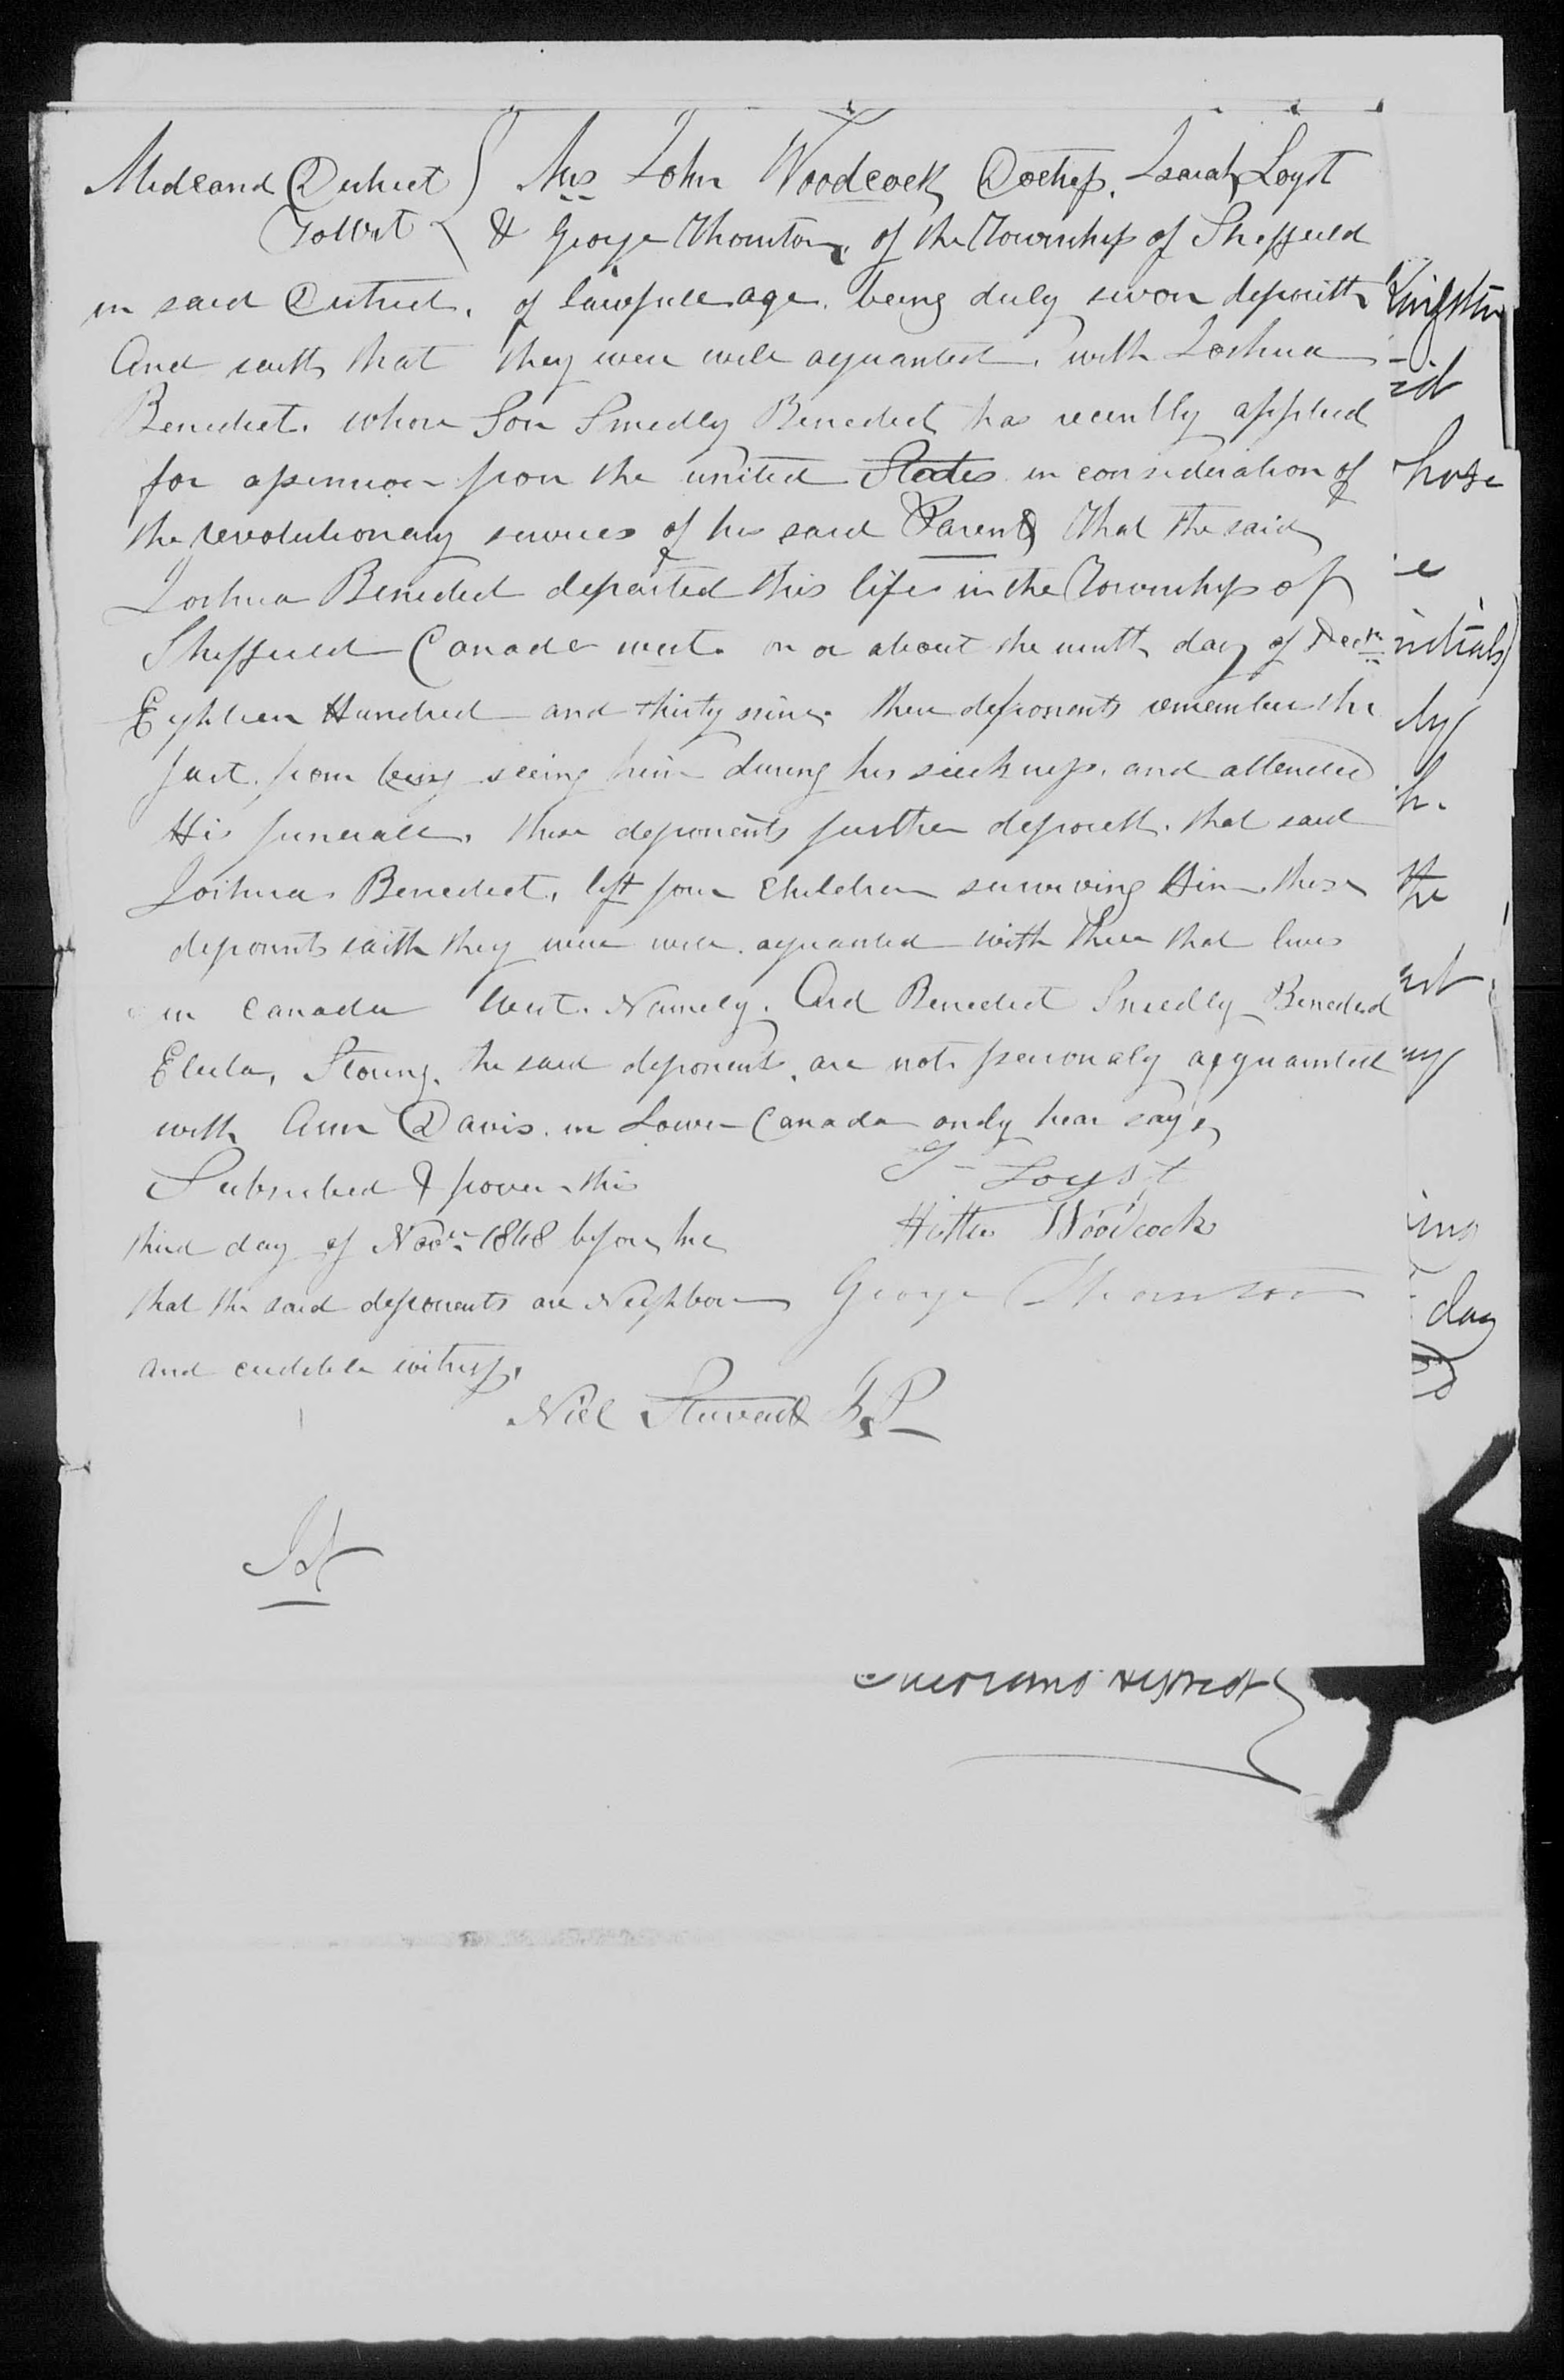Midland District
To Wit } Mrs John Woodcock Doctress, Isaiah Loyst & George Thornton of the Township of Sheffield in said District, of lawfull [lawful] age being duly sworn deposeth And saith that they were well acquainted with Joshua Benedict whose Son Smedly Benedict has recently applied for a pension from the United States in consideration of the revolutionary services of his said Parent That the said Joshua Benedict departed this life in the Township of Sheffield Canada west on or about the ninth day of Decr Eighteen Hundred and thirty nine, these deponents remember the fact from being seeing him during his sickness and attended His funeral, these deponents further deposeth that said Joshua Benedict left four children surviving Him, these deponents saith they were well acquainted with three that live in Canada West, Namely, Ard Benedict Smedly Benedict Electa Storing, the said deponents are not personally acquainted with Anna Davis in Lower Canada only hear say.
I Loyst
Hettie Woodcock
George Thornton

Subscribed & proven this third day of Novr 1848 before me that the said deponents are Neighbors and credible witnesses
Niel Stewart J.P.

JN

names: Hutta Woodcock, Isaiah Loyst, Joshua Benedict, John Woodcock, Joshua Benedict, Niel Steward, George Thornton, Ard Benedict, Smedly Benedict, Joshua Benedict, Electa Storing, Ann Davis, George Thornton, Smedly Benedict, I Loyst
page: 97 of 106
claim: survivor's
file: S 23,116., Joshua Benedict, Conn.